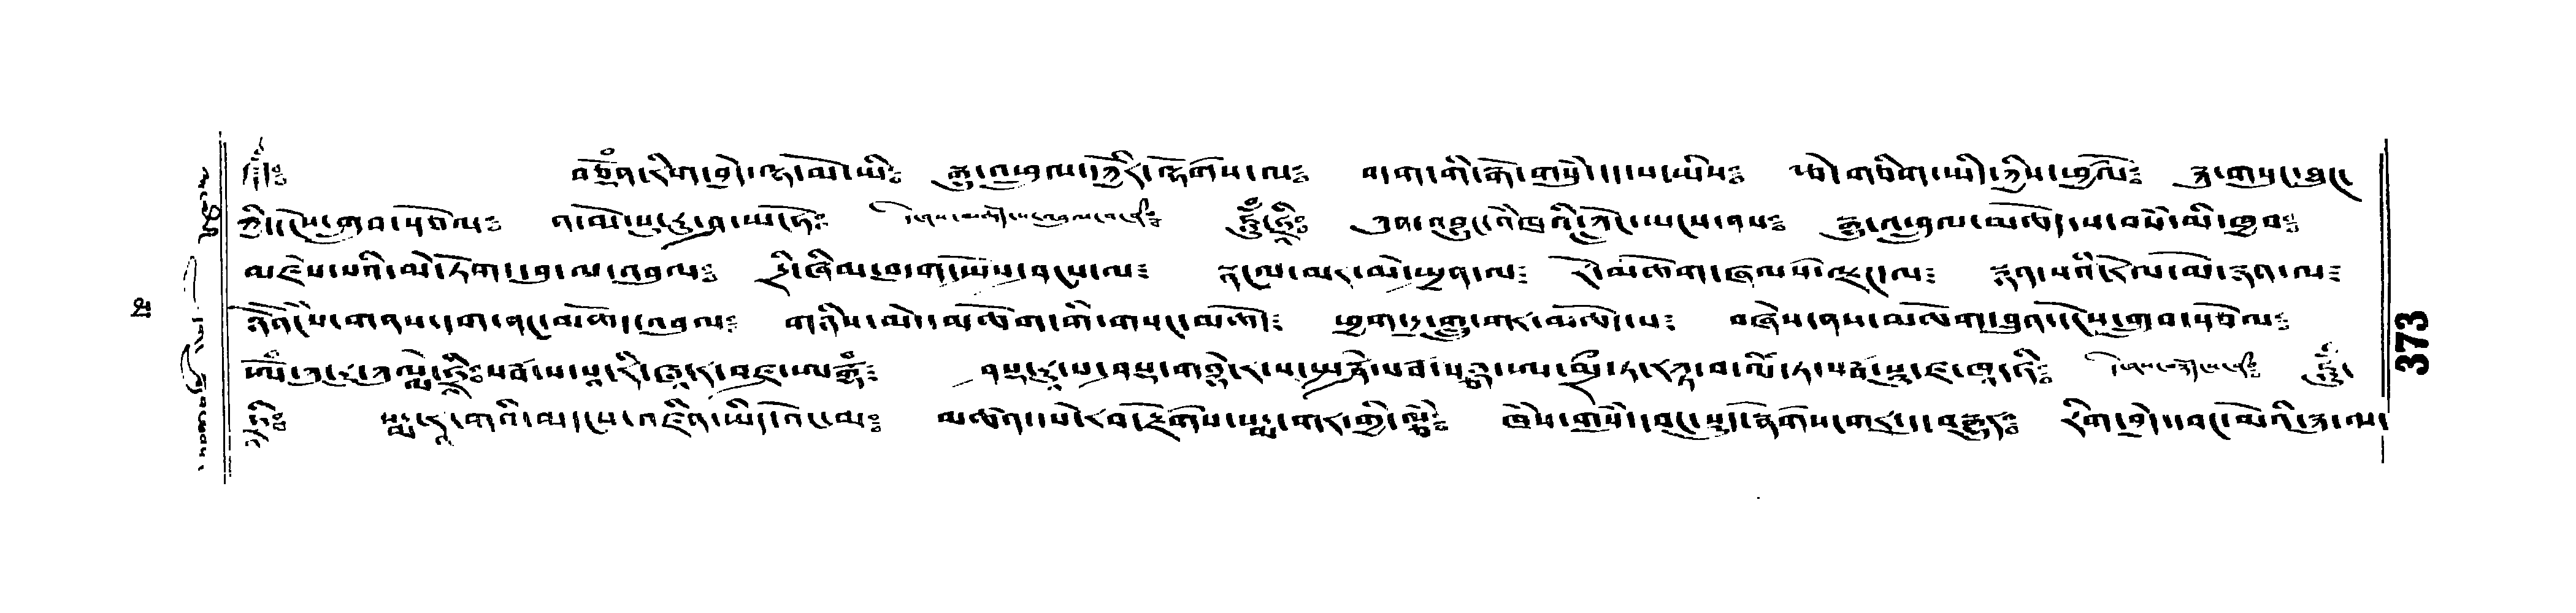བཅོམ་ལྡན་རིག་བྱེད་ལྷ་མོ་ཡི༔ སྒྱུ་འཕྲུལ་དཀྱིལ་འཁོར་ལྷ་ཚོགས་ལ༔ བདག་གི་སྒོ་གསུམ་དད་པ་ཡིས༔ རྩེ་གཅིག་ཡིད་ཀྱིས་ཕྱག་འཚལ་ལོ༔ སྐུ་གསུང་ཐུགས་
ཀྱི་དངོས་གྲུབ་སྩོལ༔ ན་མོ་པུ་རུ་ཤ་ཡ་ཧོཿ དེ་ནས་མཆོད་པ་འབུལ་བ་ནི༔ ཧཱུྃ་ཧྲཱིཿ ཀུན་འབྱུང་ནམ་མཁའི་ཀློང་ཡངས་ནས༔ སྒྱུ་འཕྲུལ་མཆོད་པ་བསམ་མི་ཁྱབ༔ 
མཛེས་པའི་མེ་ཏོག་དབུ་ལ་འབུལ༔ དྲི་ཞིམ་བདུག་སྤོས་ཤངས་ལ༴ སྣང་གསལ་མར་མེ་སྤྱན་ལ༴ རོ་མཆོག་ཞལ་ཟས་ལྗགས་ལ༴ སྙན་པའི་རོལ་མོ་སྙན་ལ༴ 
ཉོན་མོངས་གནས་དག་ནང་མཆོད་འབུལ༔ གཉིས་མེད་མཆོག་གི་གསང་མཆོད༴ ཕྱག་རྒྱ་གླུ་གར་མཆོད་པ༴ བཞེས་ནས་མཆོག་ཐུན་དངོས་གྲུབ་སྩོལ༔ 
ཨོཾ་ཀུ་རུ་ཀུལླེ་ཧྲཱིཿསརྦ་ས་པཱ་རི་ཝཱ་ར་བཛྲ་ཨརྒྷཾ༴ ཤཔྡ་རཱུ་པ་ཤཔྡ་གནྡྷེ་ར་ས་སྤརྴེ་སརྦ་པཉྩ་ཨ་མྲྀ་ཏ་རཀྟ་བ་ལིཾ་ཏ་སརྦ་པཱུ་ཛ་ཁཱ་ཧིཿདེ་ནས་བསྟོད་པ་ནི༔ ཧཱུྃ་
ཧྲཱིཿ པདྨ་རཱ་གའི་མདངས་འཛིན་ཡིད་འོང་མ༔ མཚན་དཔེ་རབ་རྫོགས་པདྨ་གར་གྱི་ལྕམ༔ ཁམས་གསུམ་དབང་སྡུད་སྣ་ཚོགས་གར་ཏུ་བསྒྱུར༔ རིག་བྱེད་དབང་མོའི་སྐུ་ལ་